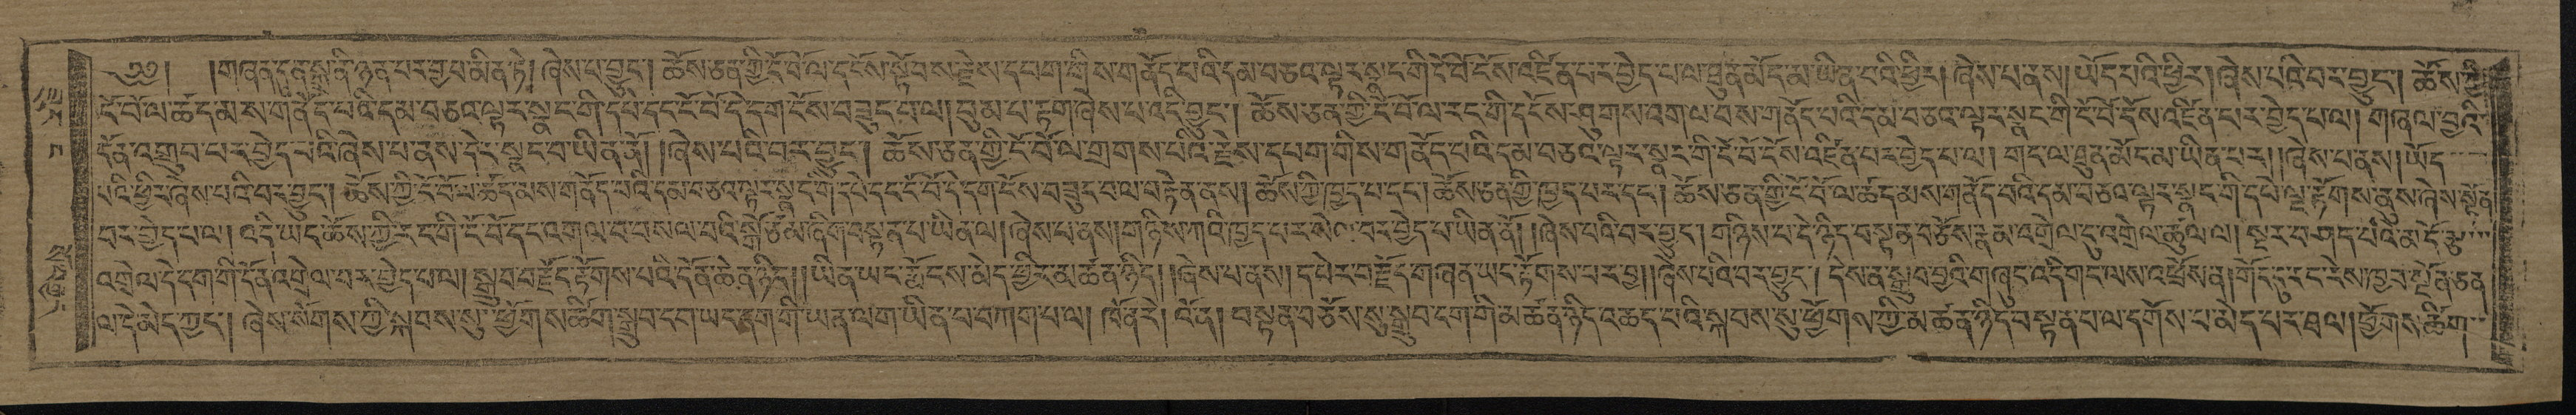༄༅། །གཞན་དུན་སྐྲ་ནི་ཉན་པར་བྱ་བ་མིན་ཏེ། ཞེས་པ་བྱུང་། ཆོས་ཅན་གྱི་ངོ་བོ་ལ་དངོས་སྟོབས་རྗེས་དཔག་གིས་གནོད་པའི་དམ་བཅའ་ལྟར་སྣང་གི་ངོ་བོ་ངོས་འཛིན་པར་བྱེད་པ་ལ་ཐུན་མོང་མ་ཡིན་པའི་ཕྱིར། ཞེས་པ་ནས། ཡོད་པའི་ཕྱིར། ཞེས་པའི་བར་བྱུང་། ཆོས་ཀྱི་
ངོ་བོ་ལ་ཚད་མས་གནོད་པའི་དམ་བཅའ་ལྟར་སྣང་གི་དཔེ་དང་ངོ་བོ་དེ་དག་ངོས་བཟུང་བ་ལ། བུམ་པ་རྟག་ཞེས་པ་འདི་བྱུང་། ཆོས་ཅན་གྱི་ངོ་བོ་ལ་རང་གི་དངོས་ཤུགས་འགལ་བས་གནོད་པའི་དམ་བཅའ་ལྟར་སྣང་གི་ངོ་བོ་ངོས་འཛིན་པར་བྱེད་པ་ལ། གཞལ་བྱའི་
དོན་འགྲུབ་པར་བྱེད་པའི་ཞེས་པ་ནས་དེར་སྣང་བ་ཡིན་ནོ། །ཞེས་པའི་བར་བྱུང་། ཆོས་ཅན་གྱི་ངོ་བོ་ལ་གྲགས་པའི་རྗེས་དཔག་གིས་གནོད་པའི་དམ་བཅའ་ལྟར་སྣང་གི་ངོ་བོ་ངོས་འཛིན་པར་བྱེད་པ་ལ། གང་ལ་ཐུན་མོང་མ་ཡིན་པར། །ཞེས་པ་ནས། ཡོད་
པའི་ཕྱིར་ཞེས་པའི་བར་བྱུང་། ཆོས་ཀྱི་ངོ་བོ་ལ་ཚད་མས་གནོད་པའི་དམ་བཅའ་ལྟར་སྣང་གི་དཔེ་དང་ངོ་བོ་དེ་དག་ངོས་བཟུང་བ་ལ་བརྟེན་ནས། ཆོས་ཀྱི་ཁྱད་པ་དང་། ཆོས་ཅན་གྱི་ཁྱད་པར་དང་། ཆོས་ཅན་གྱི་ངོ་བོ་ལ་ཚད་མས་གནོད་བའི་དམ་བཅའ་ལྟར་སྣང་གི་དཔེ་ལྔ་རྟོགས་ནུས་ཞེས་སྟོན་
བར་བྱེད་པ་ལ། འདི་ཡང་ཆོས་ཀྱི་རང་གི་ངོ་བོ་དང་འགལ་བ་བསལ་བའི་སྒོ་ཙམ་ཞིག་བསྟན་པ་ཡིན་ལ། ཞེས་པ་ནས། གཉིས་ཀའི་ཁྱད་པར་སེལ་བར་བྱེད་པ་ཡིན་ནོ། །ཞེས་པའི་བར་བྱུང་། གཉིས་པ་དེ་ཉིད་བསྟན་བཅོས་རྣམ་འགྲེལ་དུ་འགྲེལ་ཚུལ་ལ། སྔར་བཤད་པའི་མདོ་རྩ་
འགྲེལ་དེ་དག་གི་དོན་འགྲེལ་བར་བྱེད་པ་ལ། སྒྲུབ་བརྗོད་རྟོགས་པའི་དོན་ཆེན་ཉིད། །ཡིན་ཡང་རྨོངས་མེད་ཕྱིར་མཚན་ཉིད། །ཞེས་པ་ནས། དཔེར་བརྗོད་གཞན་ཡང་རྟོགས་པར་བྱ། །ཞེས་པའི་བར་བྱུང་། དེས་ན་སྒྲུབ་བྱའི་གཞུང་འདི་གང་ལས་འཕྲོས་ན། གོང་དུ་རང་རེས་ཁྱབ་སྔོན་ཅན་
ལ་དེ་མེད་ཀྱང་། ཞེས་སོགས་ཀྱི་སྐབས་སུ་ཕྱོགས་ཚིག་སྒྲུབ་ངག་ཡང་དག་གི་ཡན་ལག་ཡིན་པ་བཀག་པ་ལ། ཁོ་ན་རེ། འོ་ན། བསྟན་བཅོས་སུ་སྒྲུབ་ངག་གི་མཚན་ཉིད་འཆད་པའི་སྐབས་སུ་ཕྱོགས་ཀྱི་མཚན་ཉིད་བསྟན་པ་ལ་དགོས་པ་མེད་པར་ཐལ། ཕྱོགས་ཚིག་